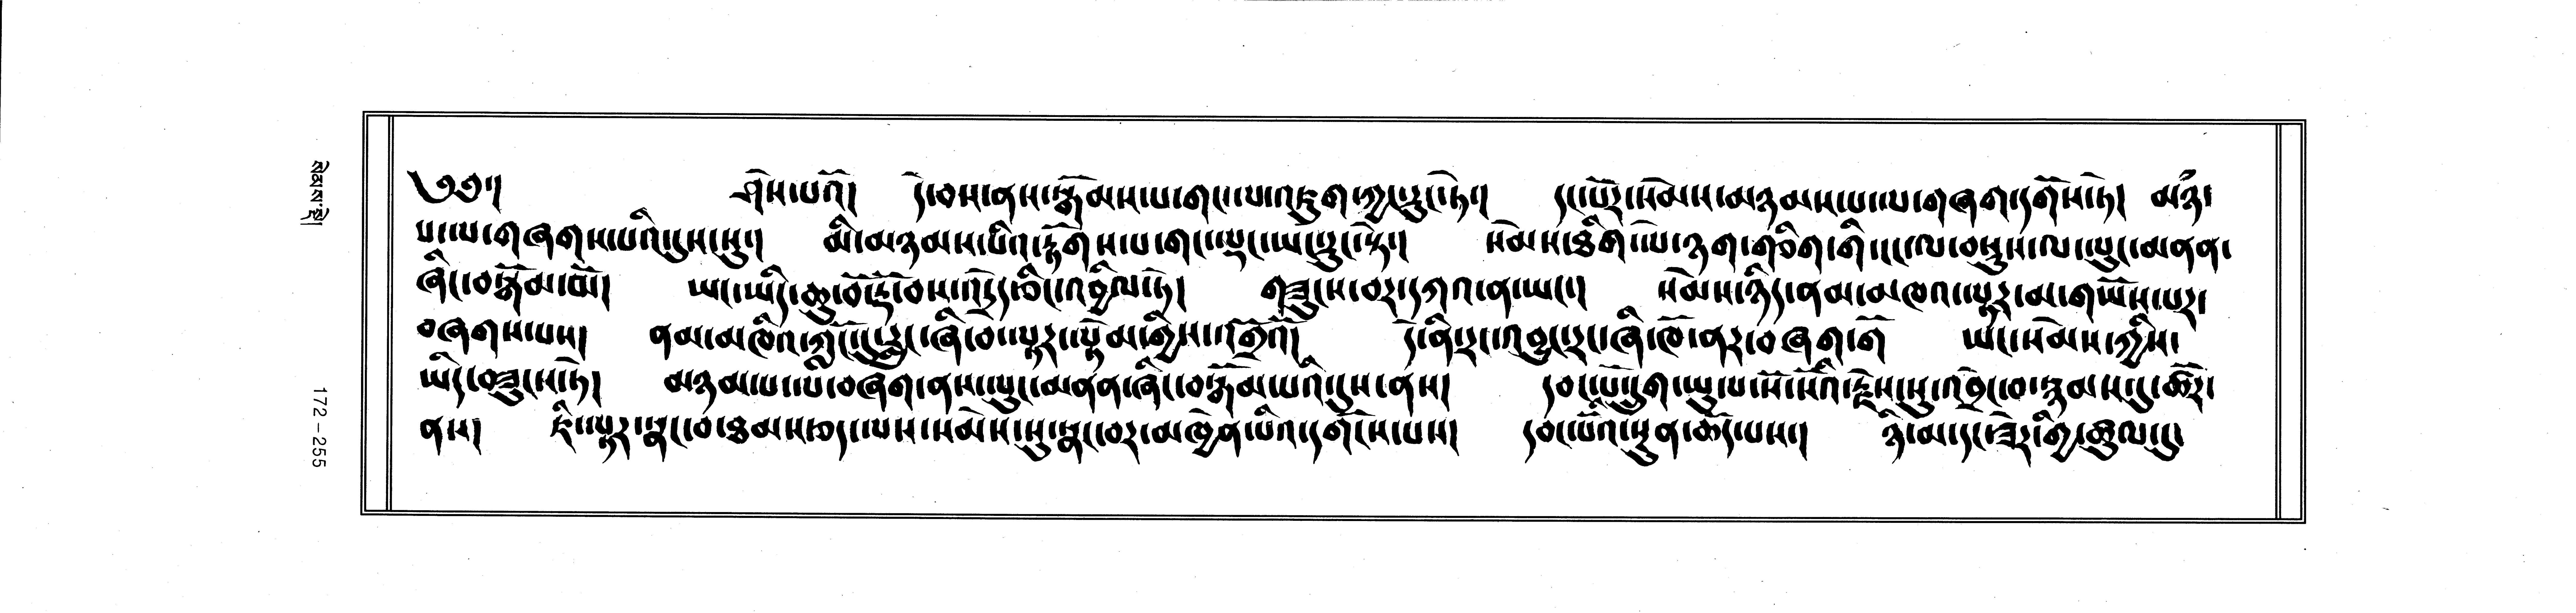ཤེས་པའོ། དེ་བས་ནས་སྒོམས་པ་གང་ལ་འཇུག་ཀྱང་རུང་ཏེ། དང་པོར་སེམས་མཉམས་པ་ལ་གཞག་དགོས་ཏེ། མཉམ
་པ་ལ་གཞགས་པའི་དུས་སུ། མི་མཉམས་པའི་རྟོགས་པ་གང་ལྡང་ཡང་རུང་སྟེ། སེམས་ཐིག་ལེ་ཉག་གཅིག་གི་ངང་ལ་བསྡུས་ལ་ལུང་མནན་
ཞིང་བསྒོམ་མོ་། ཡང་ཡིད་ཆུ་བོ་རྡོ་བས་འདྲེད་ཅིང་འབྱིལ་ཏེ། བཟུང་བར་དཀའ་ན་ཡང་། སེམས་ཉིད་ནམ་མཁའ་ལྟར་མ་གཡོས་པར་
བཞགས་པས། ནམ་མཁའི་ཀློང་ངོ་དུ་རླུང་ཞི་བ་ལྟར་ལྟེམ་གྱིས་འགྲོའོ། དེ་ནི་རང་འབྱུང་རང་ཞི་ཁོ་ནར་བཞག་གོ། ཡང་སེམས་ཀྱིས་
ཡིད་བཟུང་ཏེ། མཉམ་པ་ལ་བཞག་ནས་ལུང་མནན་ཞིང་བསྒོམ་པའི་དུས་ནས། དབང་པོ་དྲུག་ཡུལ་སོ་སོའི་རྗེས་སུ་འབྲེང་བ་སྙམས་དུ་ཚོར་
ནས། ཇི་ལྟར་སྣང་བ་ཐམས་ཅད་ལས་སེམས་སུ་སྣང་བར་མཁྱེན་པའི་དགོངས་པས། དབང་པོའི་སྔུན་ཆོད་པས། ཉི་མ་དང་ཟེར་གྱི་ཚུལ་དུ་སླར་